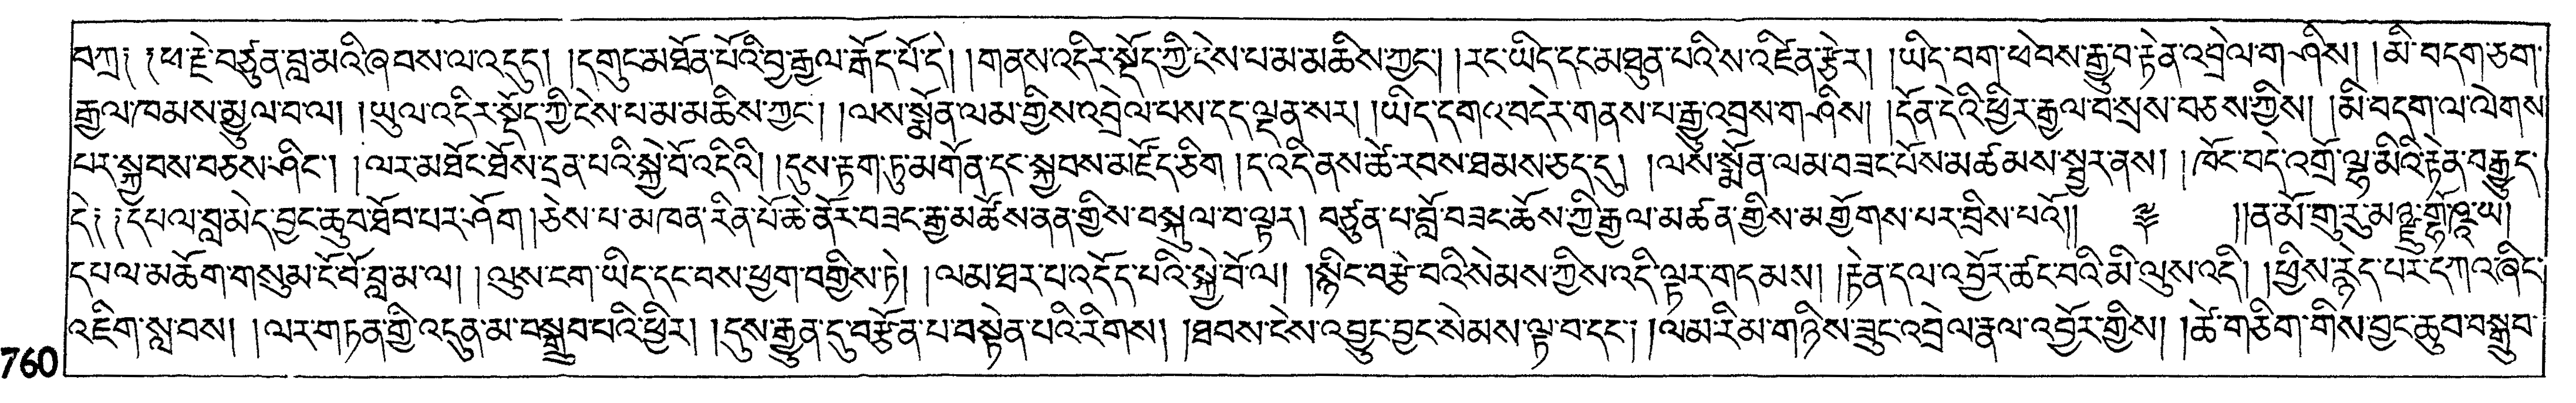བཀྲ༑ ༑ཕ་རྗེ་བཙུན་བླ་མའི་ཞབས་ལ་འདུད། །དགུང་མཐོན་པོའི་བྱ་རྒྱལ་རྒོད་པོ་དེ། །གནས་འདིར་སྡོད་ཀྱི་ངེས་པ་མ་མཆིས་ཀྱང་། །རང་ཡིད་དང་མཐུན་པའི་ས་འཛིན་རྩེར། །ཡིད་བག་ཕེབས་རྒྱུ་བ་རྟེན་འབྲེལ་གཤིས། །མི་བདག་ཅག་
རྒྱལ་ཁམས་མྱུལ་བ་ལ། །ཡུལ་འདིར་སྡོད་ཀྱི་ངེས་པ་མ་མཆིས་ཀྱང་། །ལས་སྨོན་ལམ་གྱིས་འབྲེལ་པས་དད་ལྡན་སར། །ཡིད་དགའ་བདེར་གནས་པ་རྒྱུ་འབྲས་གཤིས། །དོན་དེའི་ཕྱིར་རྒྱལ་བ་སྲས་བཅས་ཀྱིས། །མི་བདག་ལ་ལེགས་
པར་སྐྱབས་བཅས་ཤིང་། །ལར་མཐོང་ཐོས་དྲན་པའི་སྐྱེ་བོ་འདིའི། །དུས་རྟག་ཏུ་མགོན་དང་སྐྱབས་མཛོད་ཅིག །ད་འདི་ནས་ཚེ་རབས་ཐམས་ཅད་དུ། །ལས་སྨོན་ལམ་བཟང་པོས་མཚམས་སྦྱར་ནས། །ཁོང་བདེ་འགྲོ་ལྷ་མིའི་རྟེན་བརྒྱུད་
དེ༑ ༑དཔལ་བླ་མེད་བྱང་ཆུབ་ཐོབ་པར་ཤོག །ཅེས་པ་མཁན་རིན་པོ་ཆེ་ནོར་བཟང་རྒྱ་མཚོས་ནན་གྱིས་བསྐུལ་བ་ལྟར། བཙུན་པ་བློ་བཟང་ཆོས་ཀྱི་རྒྱལ་མཚན་གྱིས་མགྱོགས་པར་བྲིས་པའོ།། ༈ །།ན་མོ་གུ་རུ་མཉྫུ་གྷོ་ཥཱ་ཡ།
དཔལ་མཆོག་གསུམ་ངོ་བོ་བླ་མ་ལ། །ལུས་ངག་ཡིད་དང་བས་ཕྱག་བགྱིས་ཏེ། །ལམ་ཐར་པ་འདོད་པའི་སྐྱེ་བོ་ལ། །སྙིང་བརྩེ་བའི་སེམས་ཀྱིས་འདི་ལྟར་གདམས། །རྟེན་དལ་འབྱོར་ཚང་བའི་མི་ལུས་འདི། །ཕྱིས་རྙེད་པར་དཀའ་ཞིང་
འཇིག་སླ་བས། །ལར་གཏན་གྱི་འདུན་མ་བསྒྲུབ་པའི་ཕྱིར། །དུས་རྒྱུན་དུ་བརྩོན་པ་བསྟེན་པའི་རིགས། །ཐབས་ངེས་འབྱུང་བྱང་སེམས་ལྟ་བ་དང་། །ལམ་རིམ་གཉིས་ཟུང་འབྲེལ་རྣལ་འབྱོར་གྱིས། །ཚེ་གཅིག་གིས་བྱང་ཆུབ་བསྒྲུབ་